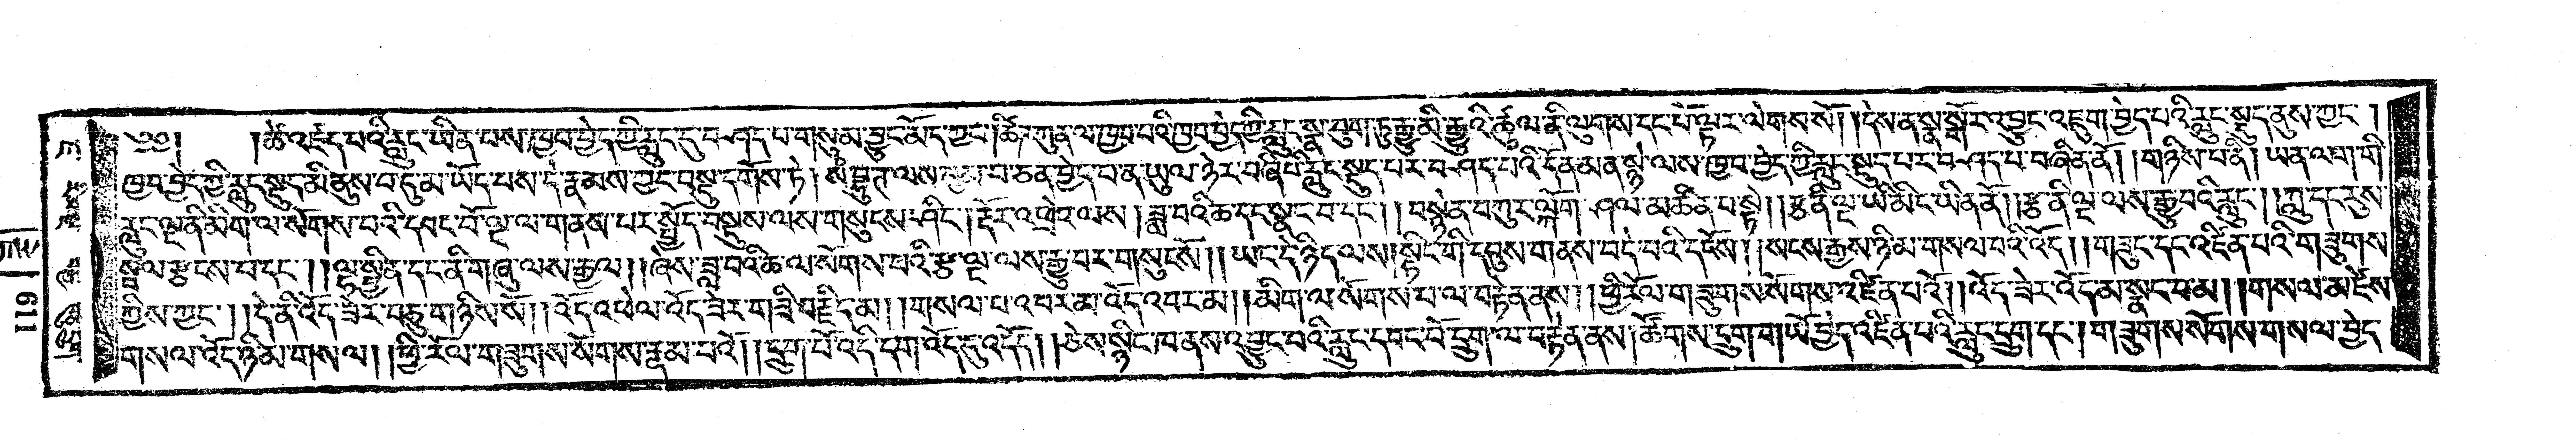༄༅། །ཚེ་འཛད་པའི་རླུང་ཡིན་པས་ཁྱབ་བྱེད་ཀྱི་རླུང་དུ་བཤད་པ་གསུམ་བྱུང་མོད་ཀྱང་། ཚིཌ་ཀུན་ལ་ཁྱབ་པའི་ཁྱབ་བྱེད་ཀྱི་རླུང་སྣ་བུག་ཏུ་རྒྱུ་མི་རྒྱུའི་ཚུལ་ནི་ལུགས་དང་པོ་ལྟར་ལེགས་སོ། །དེས་ན་སྣ་སྒོར་འབྱུང་འཇུག་བྱེད་པའི་རླུང་སྡུད་ནུས་ཀྱང་།
ཁྱབ་བྱེད་ཀྱི་རླུང་སྡུད་མི་ནུས་པ་དུ་མ་ཡོད་པས་དེ་རྣམས་ཀྱང་བསྡུ་དགོས་ཏེ། སཾ་བྷུ་ཊ་ལས་བུམ་པ་ཅན་བྱེད་པ་ན་ཡུལ་ཉེར་བཞིའི་རླུང་སྡུད་པར་བཤད་པའི་དོན་མན་སྙེ་ལས་ཁྱབ་བྱེད་ཀྱི་རླུང་སྡུད་པར་བཤད་པ་བཞིན་ནོ། །གཉིས་པ་ནི། ཡན་ལག་གི་
རླུང་ལྔ་ནི་མིག་ལ་སོགས་པའི་དབང་པོ་ལྔ་ལ་གནས་པར་སྤྱོད་བསྡུས་ལས་གསུངས་ཤིང་། རྡོར་འཕྲེང་ལས། ཟླ་བའི་ཆ་དང་སྣང་བ་དང་། །བསྙེན་བཀུར་ལྡོག་ཤལ་མཆིན་པ་སྟེ། །རྩ་ནི་ལྔ་ཡི་མིང་ཡིན་ནོ། །རྩ་ནི་ལྔ་ལས་རྒྱུ་བའི་རླུང་། །ཀླུ་དང་རུས་
སྦལ་རྩངས་པ་དང་། །ལྷ་སྦྱིན་དང་ནི་གཞུ་ལས་རྒྱལ། །ཞེས་ཟླ་བའི་ཆ་ལ་སོགས་པའི་རྩ་ལྔ་ལས་རྒྱུ་བར་གསུངས་སོ། །ཡང་དེ་ཉིད་ལས། སྙིང་གི་དབུས་གནས་བདེ་བའི་དངོས། །སངས་རྒྱས་ཉི་མ་གསལ་བའི་འོད། །གཟུང་དང་འཛིན་པའི་གཟུགས་
ཀྱིས་ཀྱང་། །དེ་ནི་འོད་ཟེར་བཅུ་གཉིས་སོ། །འོད་འཕེལ་འོད་ཟེར་གཟི་བརྗིད་མ། །གསལ་བ་འབར་མ་འོད་འབར་མ། །མིག་ལ་སོགས་པ་ལ་བརྟེན་ནས། །ཕྱི་རོལ་གཟུགས་སོགས་འཛིན་པའོ། །འོད་ཟེར་འོད་མ་སྣང་བ་མ། །གསལ་མཛེས་
གསལ་འོད་ཉི་མ་གསལ། །ཕྱི་རོལ་གཟུགས་སོགས་རྣམ་པའོ། །དྲུག་པོ་འདི་དག་འོད་དུ་འདོད། །ཅེས་སྙིང་ཁ་ནས་འབྱུང་བའི་རླུང་དབང་པོ་དྲུག་ལ་བརྟེན་ནས། ཚོགས་དྲུག་གཡོ་བྱེད་འཛིན་པའི་རླུང་དྲུག་དང་། གཟུགས་སོགས་གསལ་བྱེད་